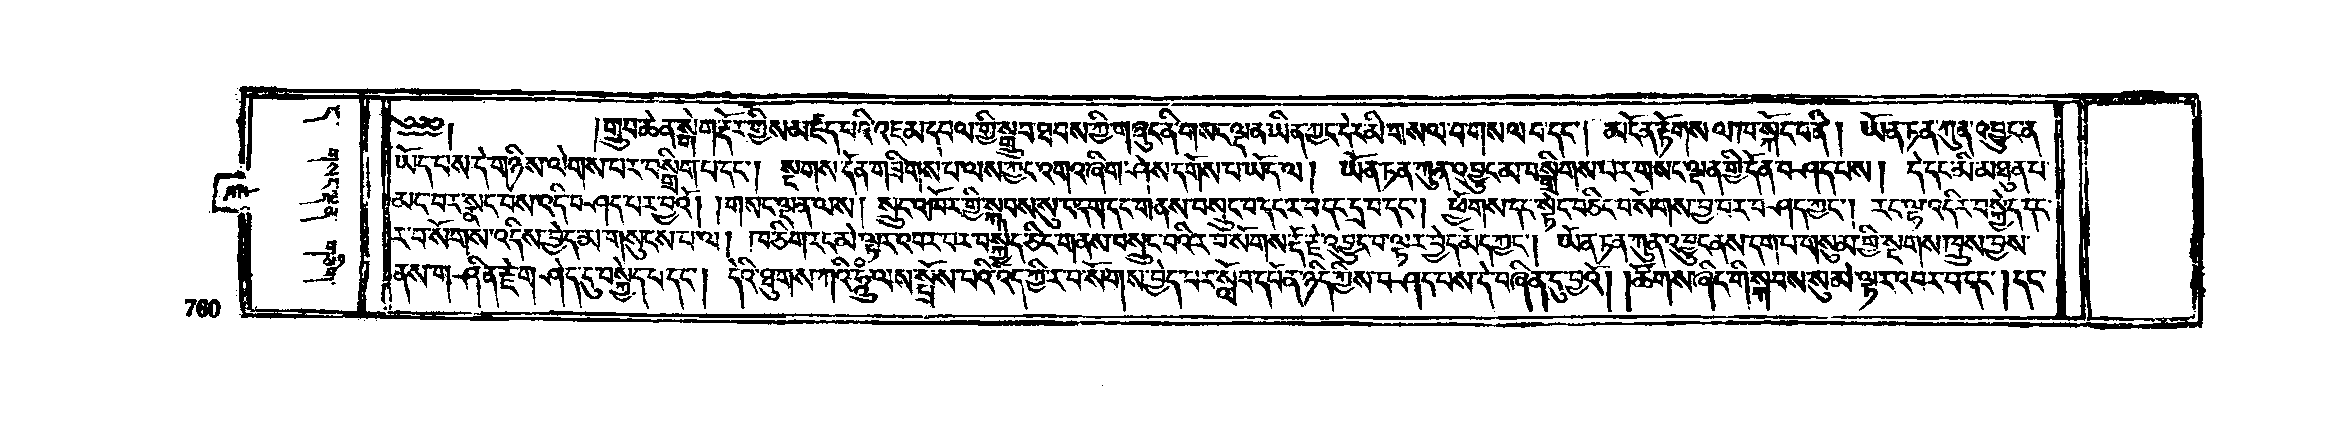༄༅༅། །གྲུབ་ཆེན་སྒེག་རྡོར་གྱིས་མཛད་པའི་འཇམ་དཔལ་གྱི་སྒྲུབ་ཐབས་ཀྱི་གཞུང་ནི་གསང་ལྡན་ཡིན་ཀྱང་དེར་མི་གསལ་བ་གསལ་བ་དང་། མངོན་རྟོགས་ལ་ཁ་སྐོང་བ་ནི། ཡོན་ཏན་ཀུན་འབྱུང་ན་
ཡོད་པས་དེ་གཉིས་ལེགས་པར་བསྒྲིག་པ་དང་། སྔགས་དོན་གཟིགས་པ་ལས་ཀྱང་འགའ་ཞིག་ཤེས་དགོས་པ་ཡོད་ལ། ཡོན་ཏན་ཀུན་འབྱུང་མ་བསྒྲིགས་པར་གསང་ལྡན་གྱི་དོན་བཤད་པས། དེ་དང་མི་མཐུན་པ་
མང་བར་སྣང་བས་འདི་བཤད་པར་བྱའོ། །གསང་ལྡན་ལས། སྲུང་འཁོར་གྱི་སྐབས་སུ་བདག་དང་གནས་བསྲུང་བ་དང་ར་བ་དང་དྲ་བ་དང་། ཕྱོགས་དང་སྟེང་བཅིང་བ་སོགས་བྱ་བར་བཤད་ཀྱང་། རང་ལྷ་འདིར་བསྐྱེད་དང་
ར་བ་སོགས་འདིས་བྱེད་མ་གསུངས་པ་ལ། ཁ་ཅིག་རང་མེ་ལྟར་འབར་བར་བསྐྱེད་ཅིང་གནས་བསྲུང་བའི་ར་བ་སོགས་རྡོ་རྗེ་འབྱུང་བ་ལྟར་བྱེད་མོད་ཀྱང་། ཡོན་ཏན་ཀུན་འབྱུང་ནས་དག་པ་གསུམ་གྱི་སྔགས་ཁྲུས་བྱས་
ནས་གཤིན་རྗེ་གཤེད་དུ་བསྐྱེད་པ་དང་། དེའི་ཐུགས་ཀའི་ཧཱུཾ་ལས་སྤྲོས་པའི་འོད་ཀྱི་ར་བ་སོགས་བྱེད་པར་སློབ་དཔོན་ཉིད་ཀྱིས་བཤད་པས་དེ་བཞིན་དུ་བྱའོ། །ཚོགས་ཞིང་གི་སྐབས་སུ་མེ་ལྟར་འབར་བ་དང་། དང་